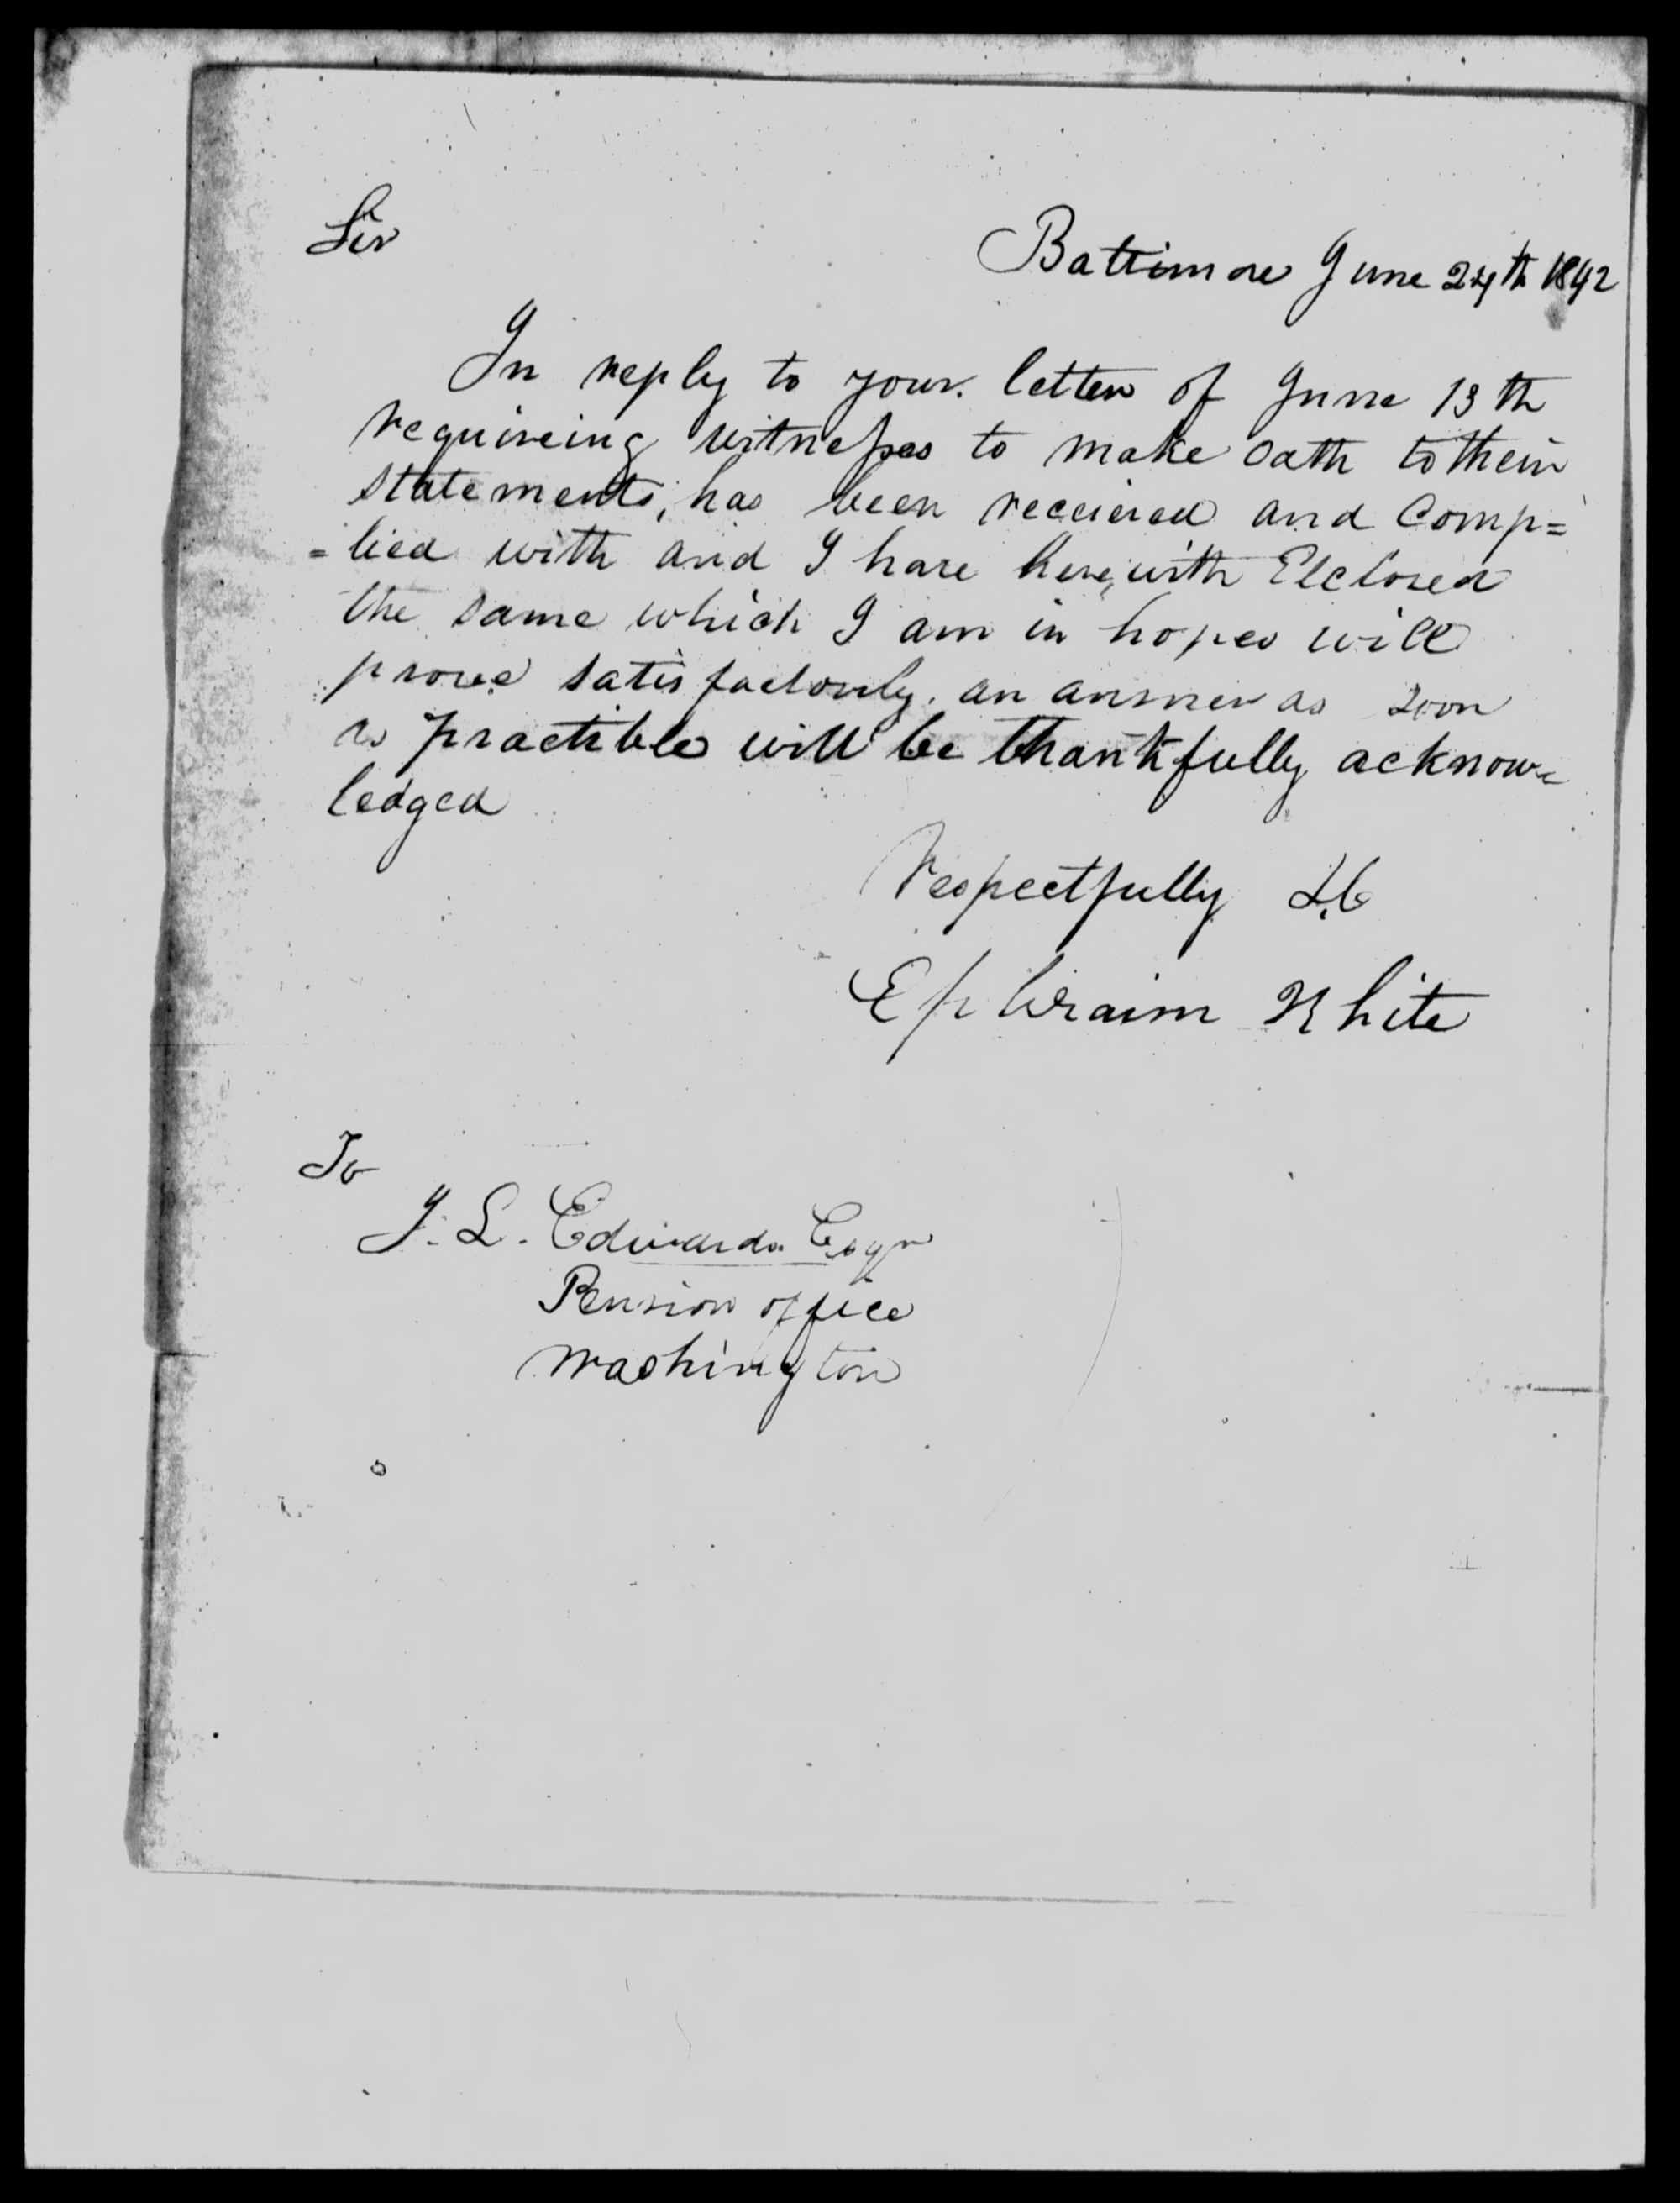Battimore June 24th 1842
Sir
In reply to your letter of June 13th requiring witnesses to make oath to their
statements, has been received and complied with and I have herewith Enclosed the same which I am in hopes will prove satisfactorily, an answer as soon as practible [practicable] will be thankfully acknowledged
Respectfully [illegible]
Ephraim White

To
J. L. Edwards Esqr [esquire]
Pension office
Washington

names: J L Edwards, Ephraim White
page: 39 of 43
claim: survivor's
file: S. 15240, Thomas White, Md.